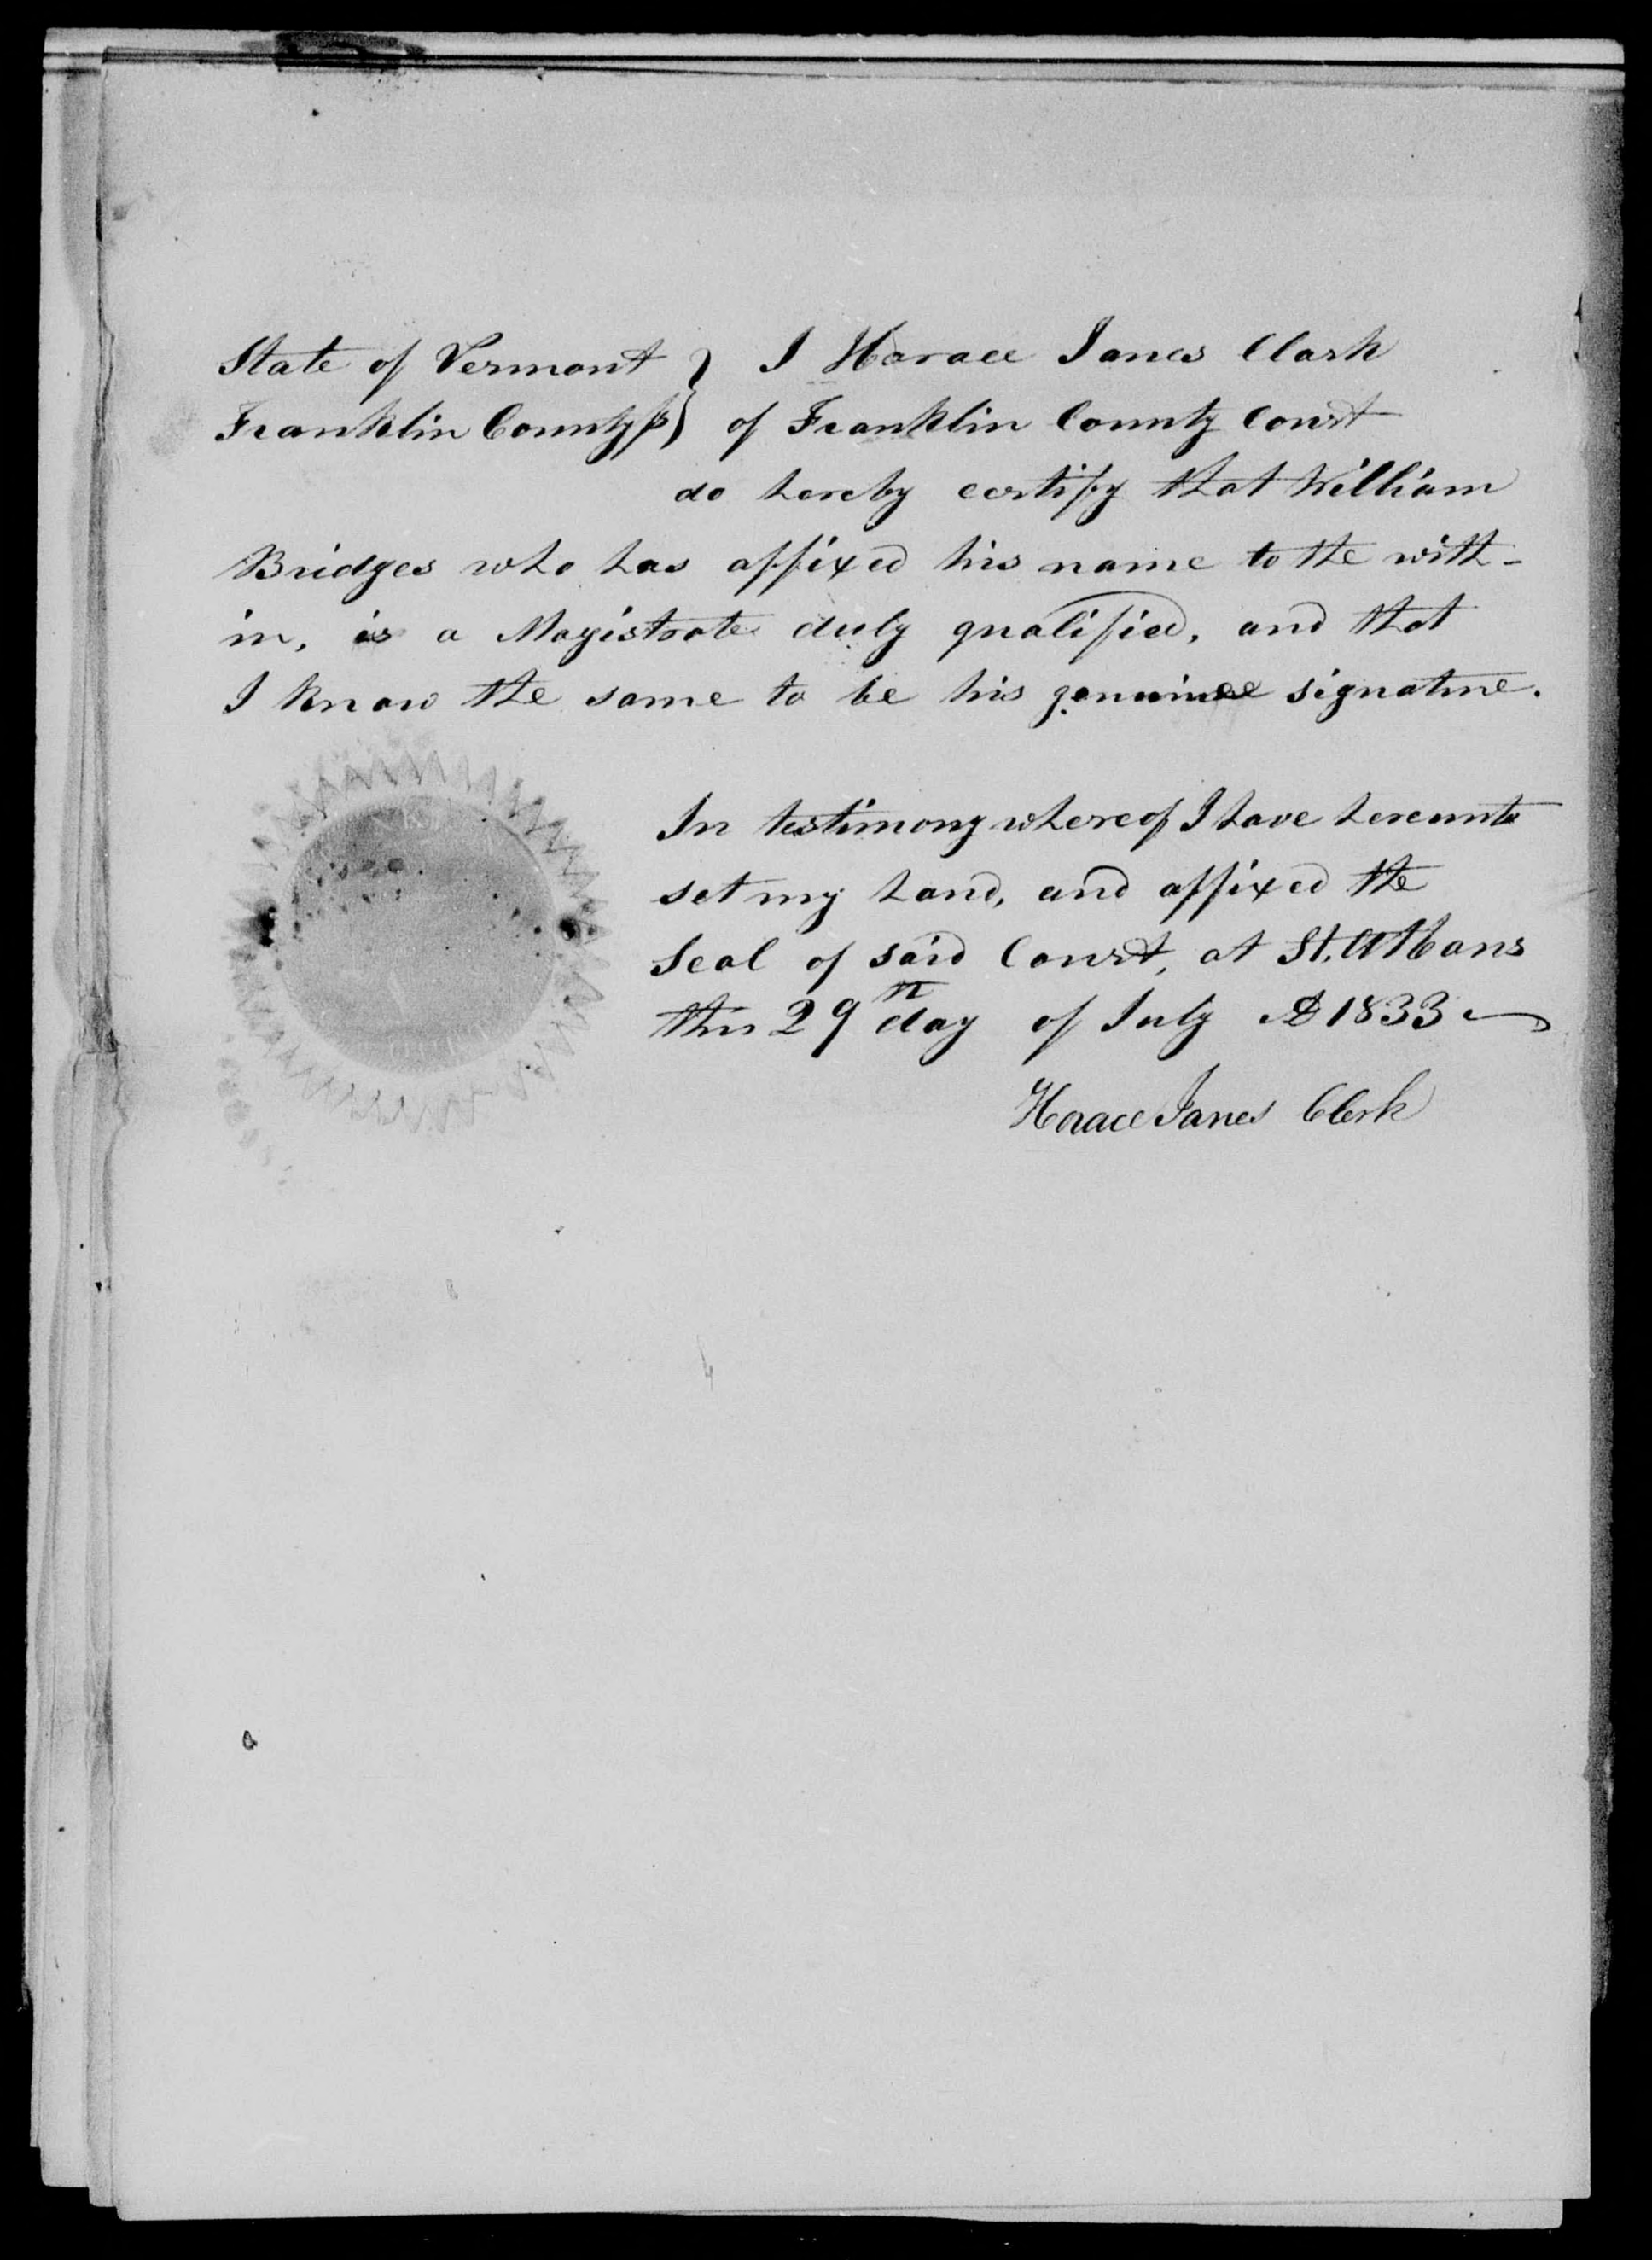State of Vermont
Franklin County p}

I Horace Jones Clark of Franklin County court do hereby certify that William Bridges who has affixed his name to the within, is a Magistrate duly qualified, and that I know the same to be his genuine signature.

[faded stamp mark]

In testimony whereof I have hereunto set my hand, and affixed the seal of said Court, at St. Albans this 29th day of July AD 1833

Horace Jones Clark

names: Horace Janes, Horace Janes, William Bridges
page: 14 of 72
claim: widow's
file: W. 7771, Stephen Holmes, Vt.